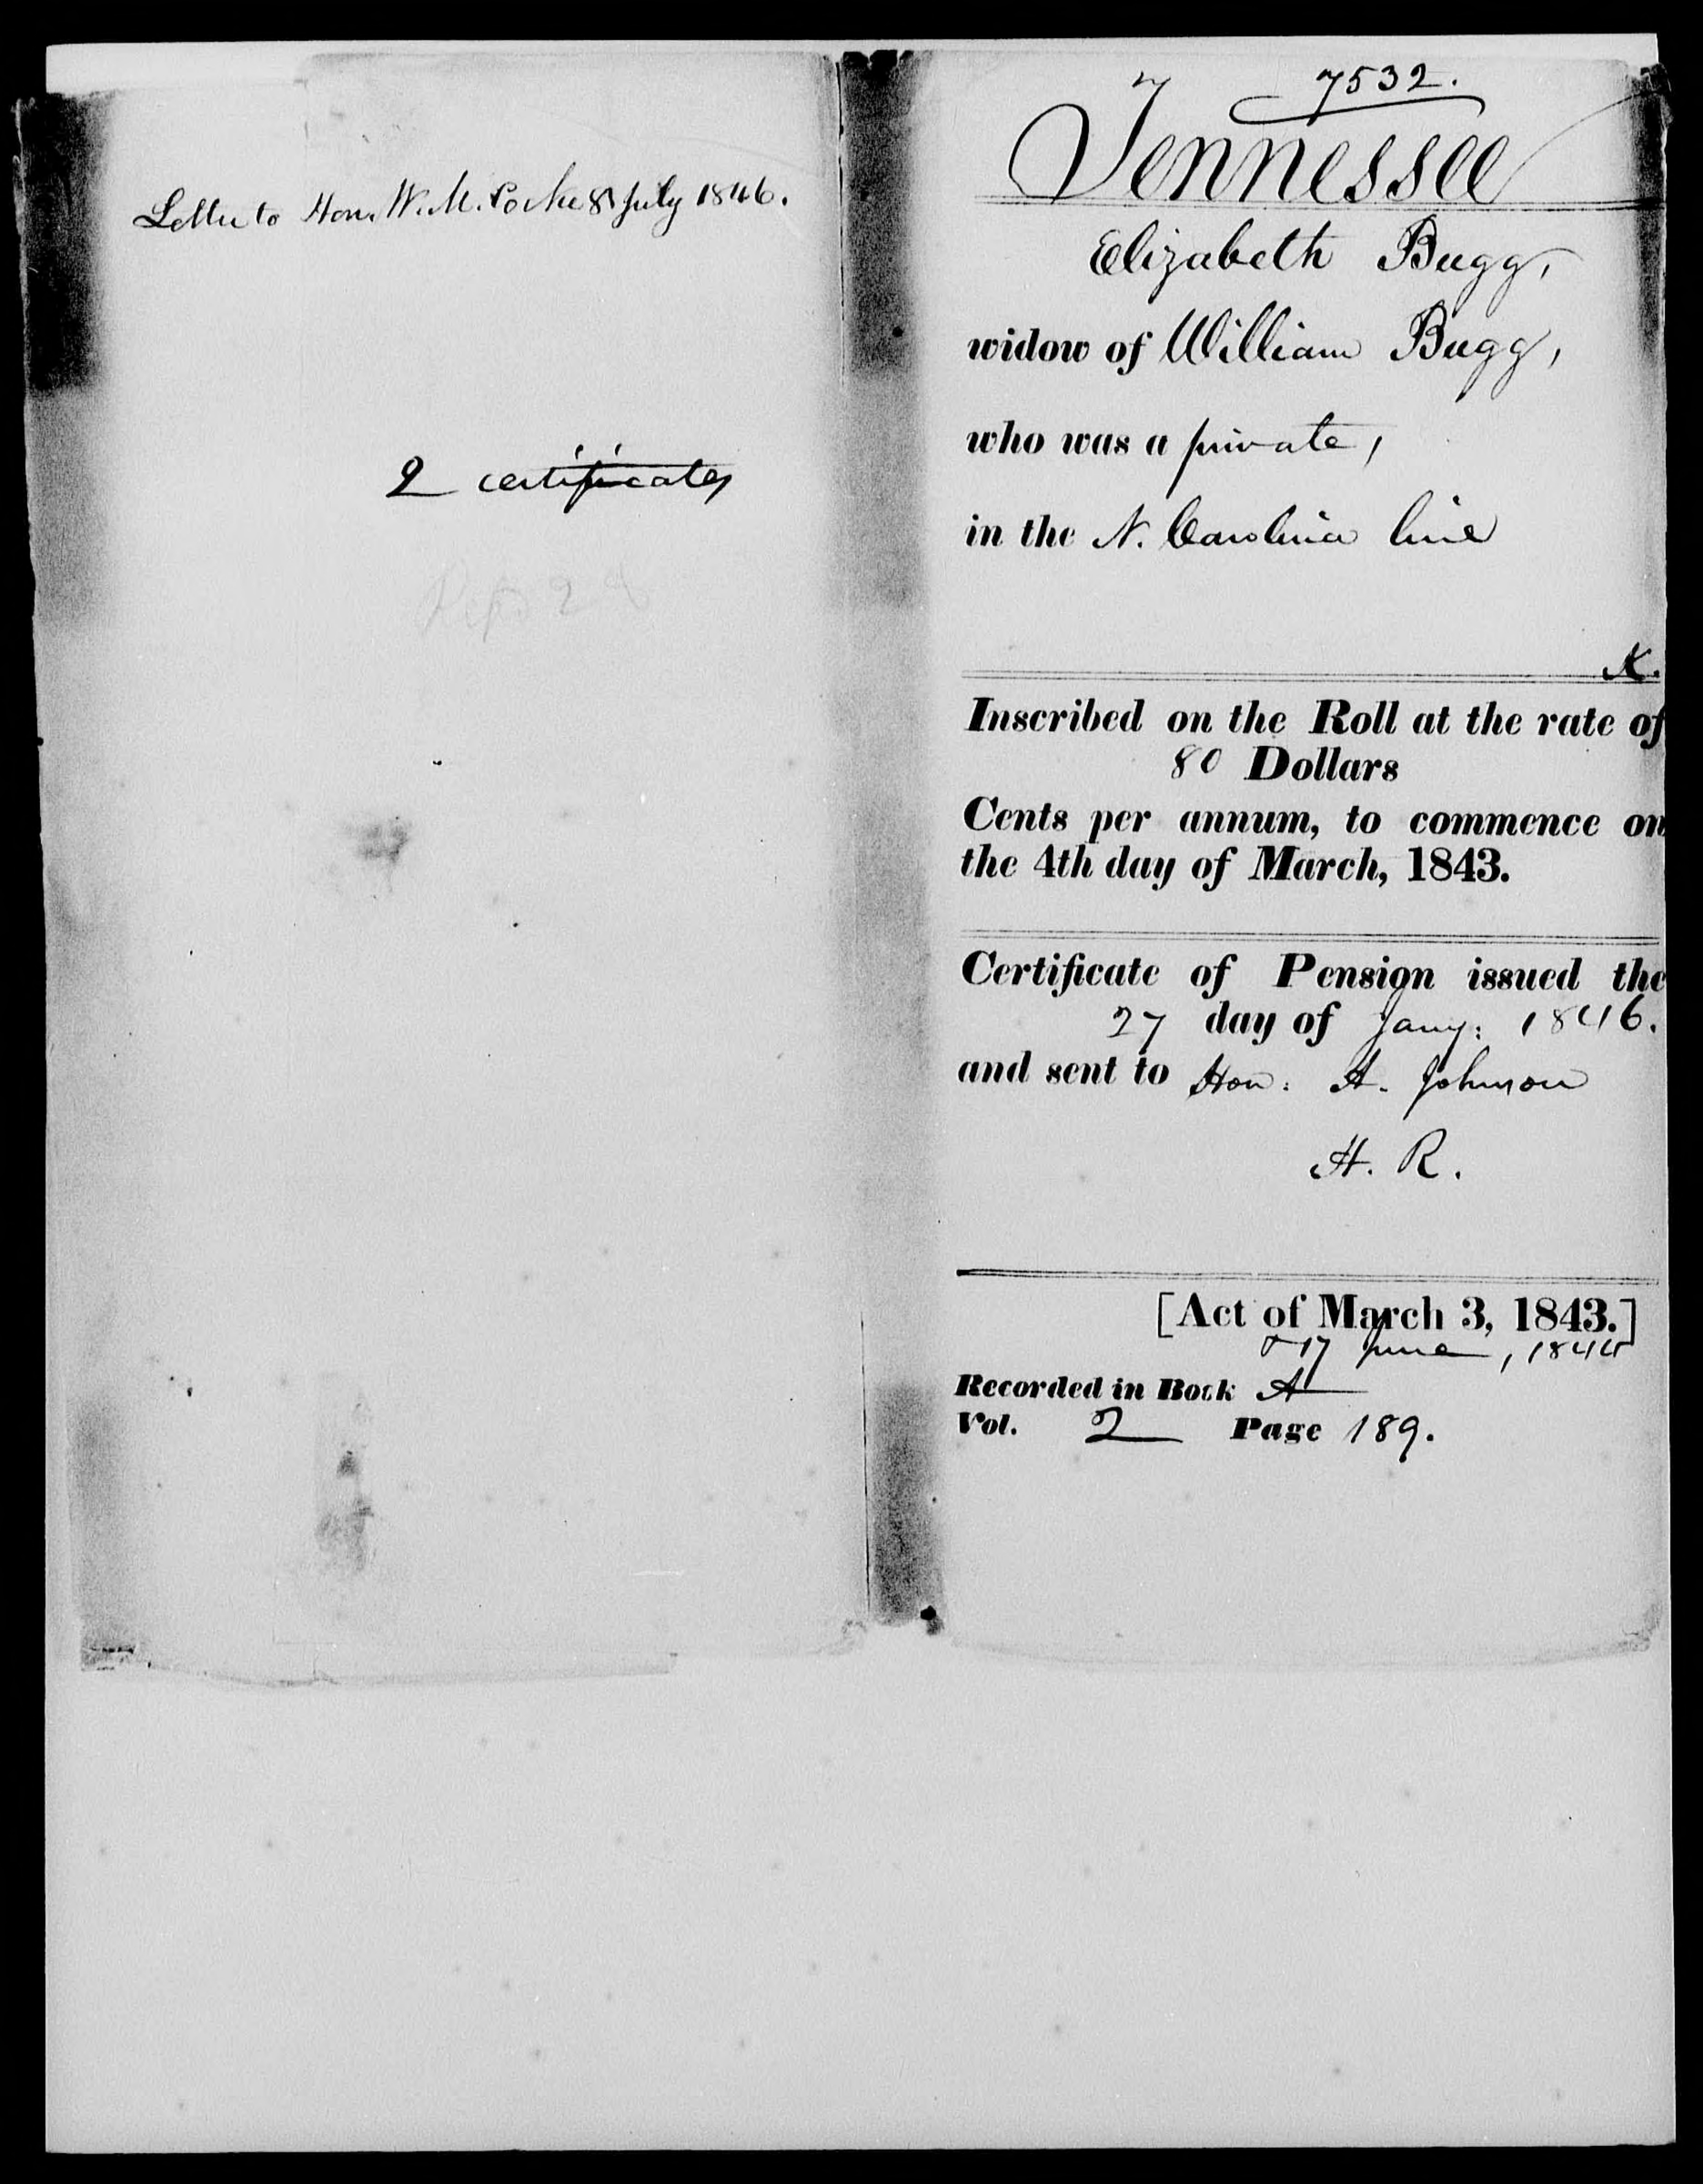[On the left page of the record, a handwritten notation:] Letter to Hon. W. M. Cocke 8 July 1846.
[Farther below, in darker ink in different handwriting, there appears:] 2 certificates
[Below that, in very faint handwriting, appears] Sep [or Rep]  28

[On the right side page of the record]
7532. [underlined]
Tennessee
Elizabeth Bugg, widow of William Bugg, who was a private, in the N. Carolina line

[Here there is a handwritten K. close to the edge of the paper. It's uncertain if another letter was cut off at the edge of the page.]
Inscribed on the Roll at the rate of 80 Dollars [blank] Cents per annum, to commence on the 4th day of March, 1843.

Certificate of Pension issued the 27 day of Jan: 1846. and sent to Hon. A. Johnson
H.R. [possibly meaning House of Representatives] 
Act of March 3, 1843 [with handwritten notation] & 17 June, 1844
Recorded in Book A
Vol. 2 Page 189.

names: A Johnson, William Bugg, Elizabeth Bugg, W M Cocke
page: 18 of 50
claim: widow's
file: W. 898, William Bugg, N.C.